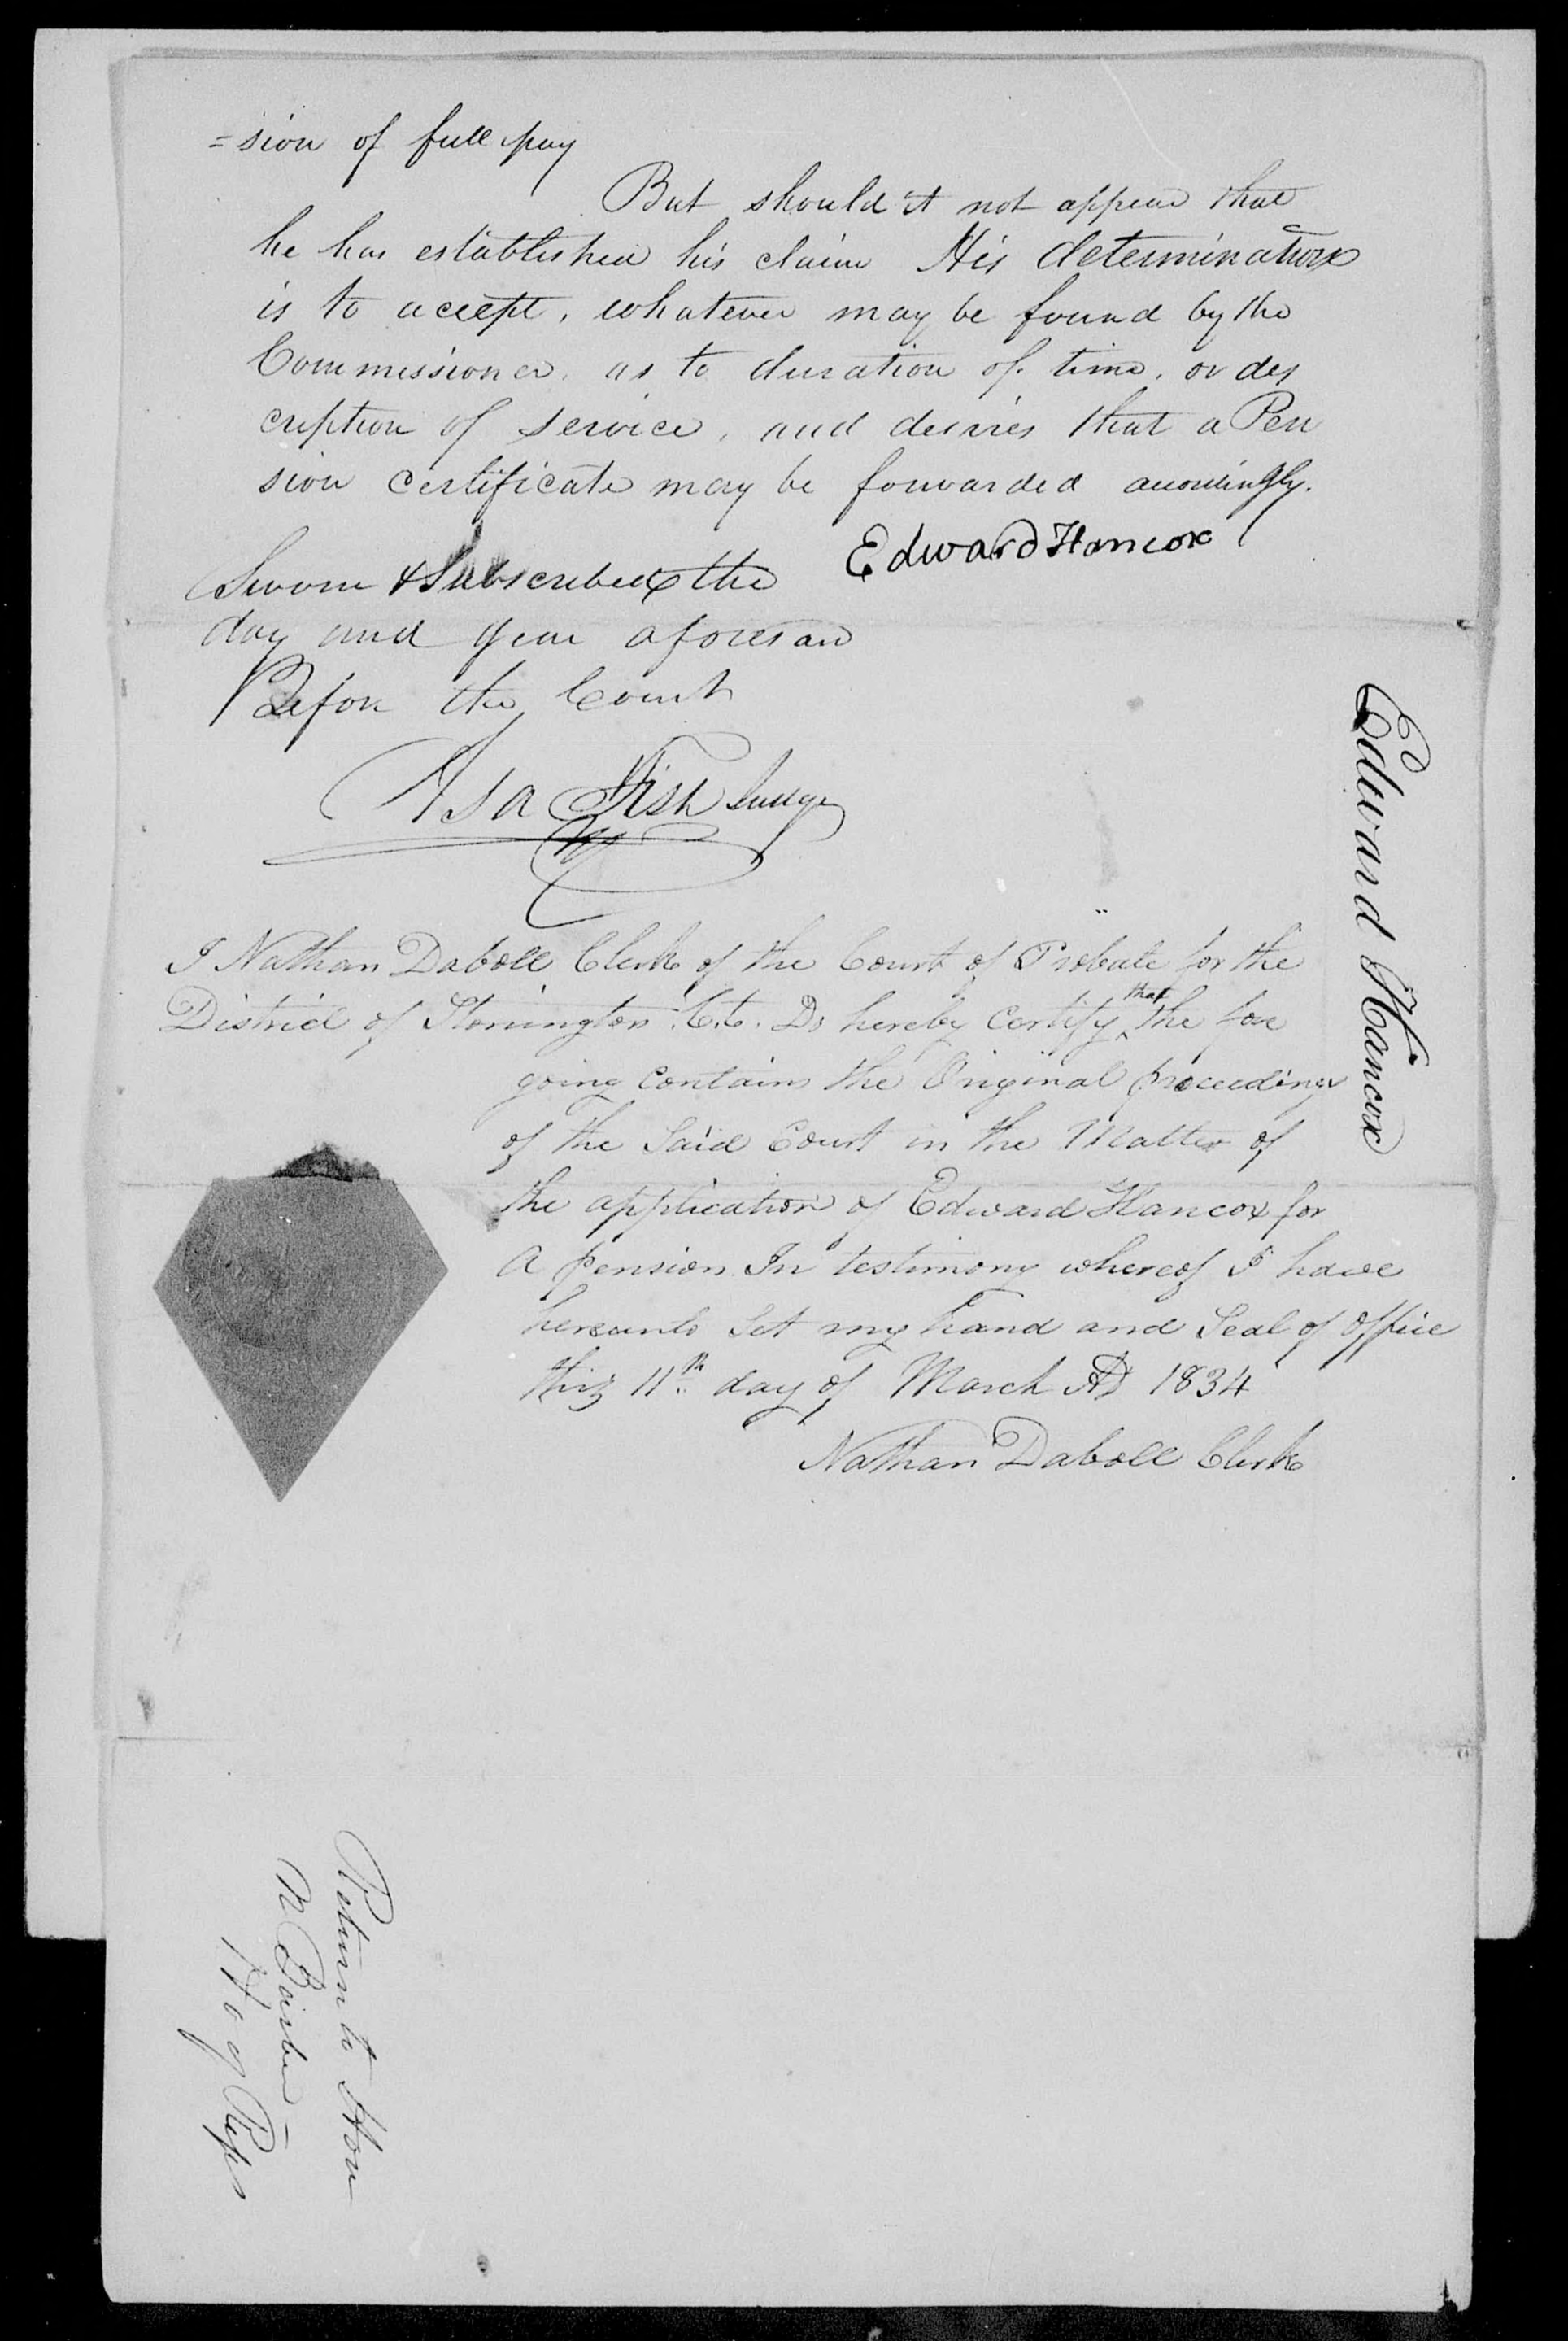pension of full pay.
But should it not appear that he has established his claim,his determination is to accept whatever may be found by the commissioner as to duration of time or description of service and  desires that a pension certificate may be forwarded accordingly.
Edward Hancox

Sworn & subscribed the day and year aforesaid before the court.
Asa Fish Judge

I Nathan Daboll, Clerk of the Court of Probate for the District of Stonington Ct. JS.    do hereby certify that the foregoing contains the original proceedings of the said court in the matter of the application of Edward Hancox for a pension in testimony where of I have hereunto set my hand and seal of office this 11th day of March AD 1834
Nathan Daboll Clerk

Edward Hancox

Return to Hon N Barber
Ho of Reps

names: N Barber, Edward Hancox, Edward Hancox, Edward Hancox, Nathan Daboll, Nathan Daboll, Asa Fish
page: 26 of 26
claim: survivor's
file: S. 16843, Edward Hancox, Conn.